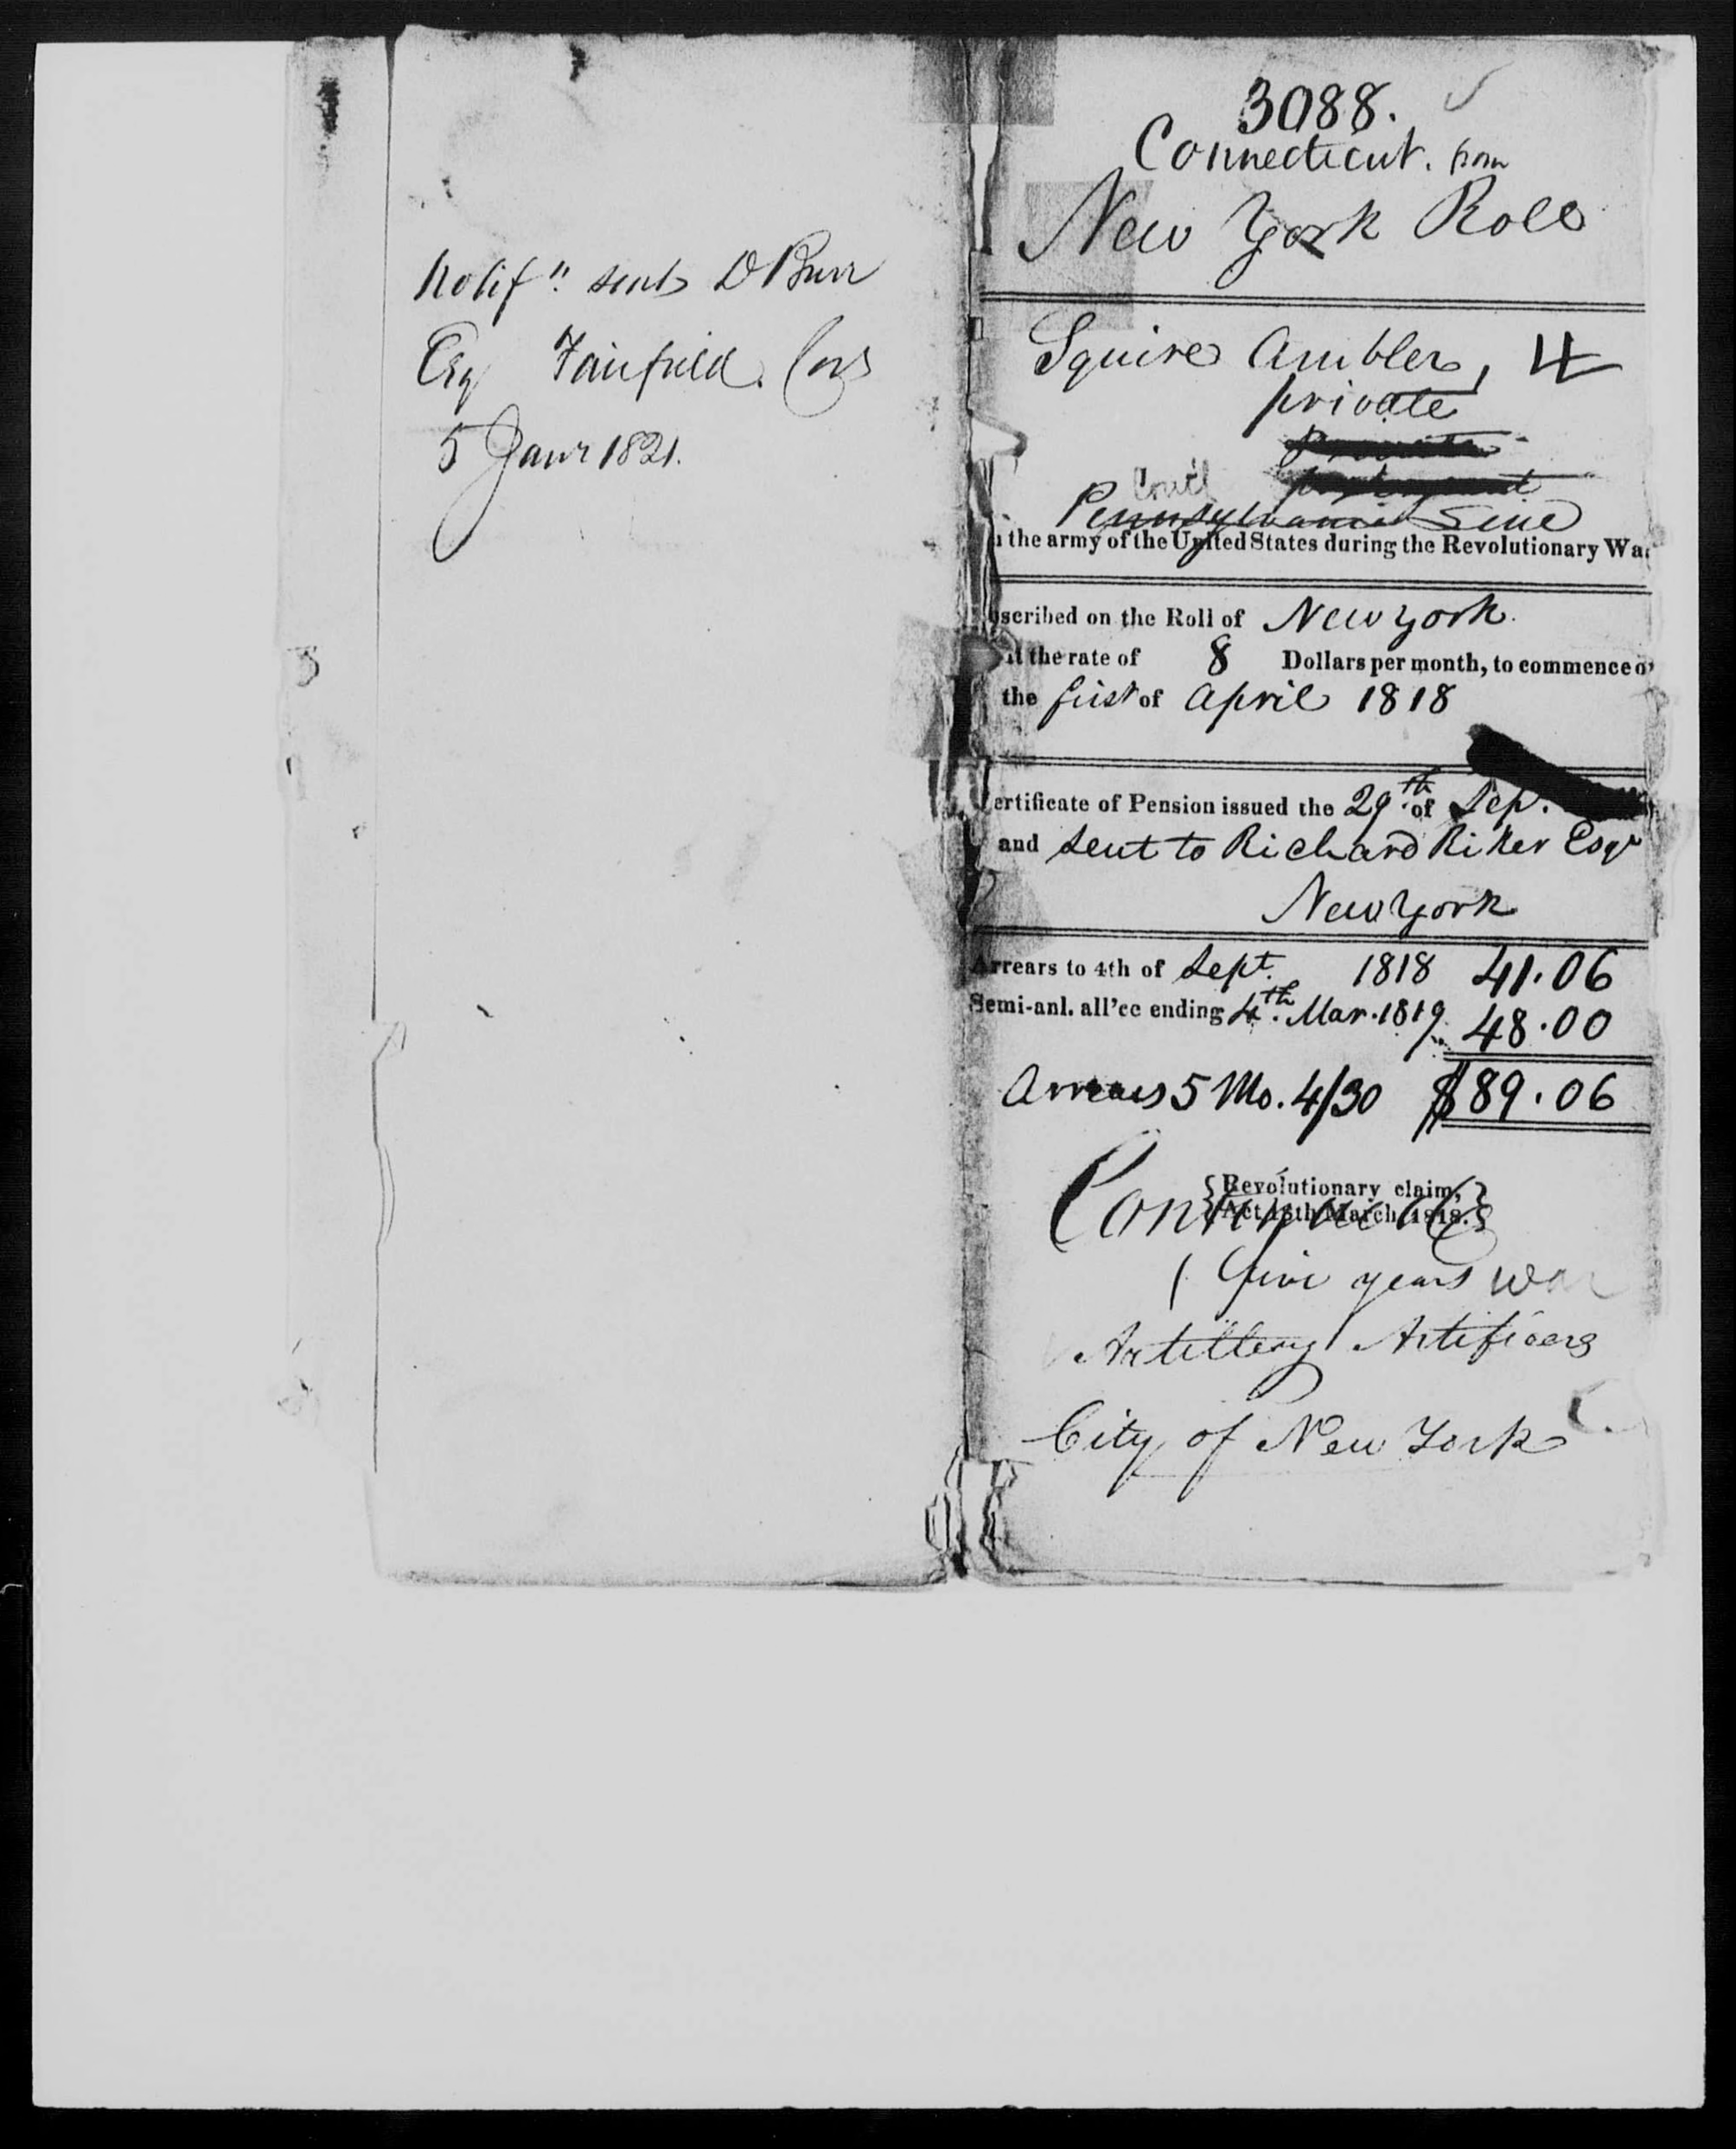Notif" send D Burr Esq Fairfield, Conn
5 January 1821.

3088
Connecticut from
New York Roll
Squire Ambler Private

[crossed out: Pennsylvania] Cont'l line]

[cut off] the army of the United States during the Revolutionary War
...scribed on the Roll of New York.
at the rate of 8 Dollars per month, to commence on the first of April 1818.
Certificate of Pension issued the 29th of Sep. [smudge on page] and sent to Richard Riker Esq
New York
Arrears to 4th of Sept. 1818 Semi-annual all'ce ending 4th Mar 1819
41.06
48.00
$89.06
Arrears 5 Mo. 4/30
Revolutionary claim, Act 18th March 1818.
Continued five years war 
Artillery Artificers
City of New York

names: Squire Ambler, Richard Riker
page: 5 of 39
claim: widow's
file: W. 2,056, Squire Ambler, Continental (Sol. Res. In N.Y. & Conn.)